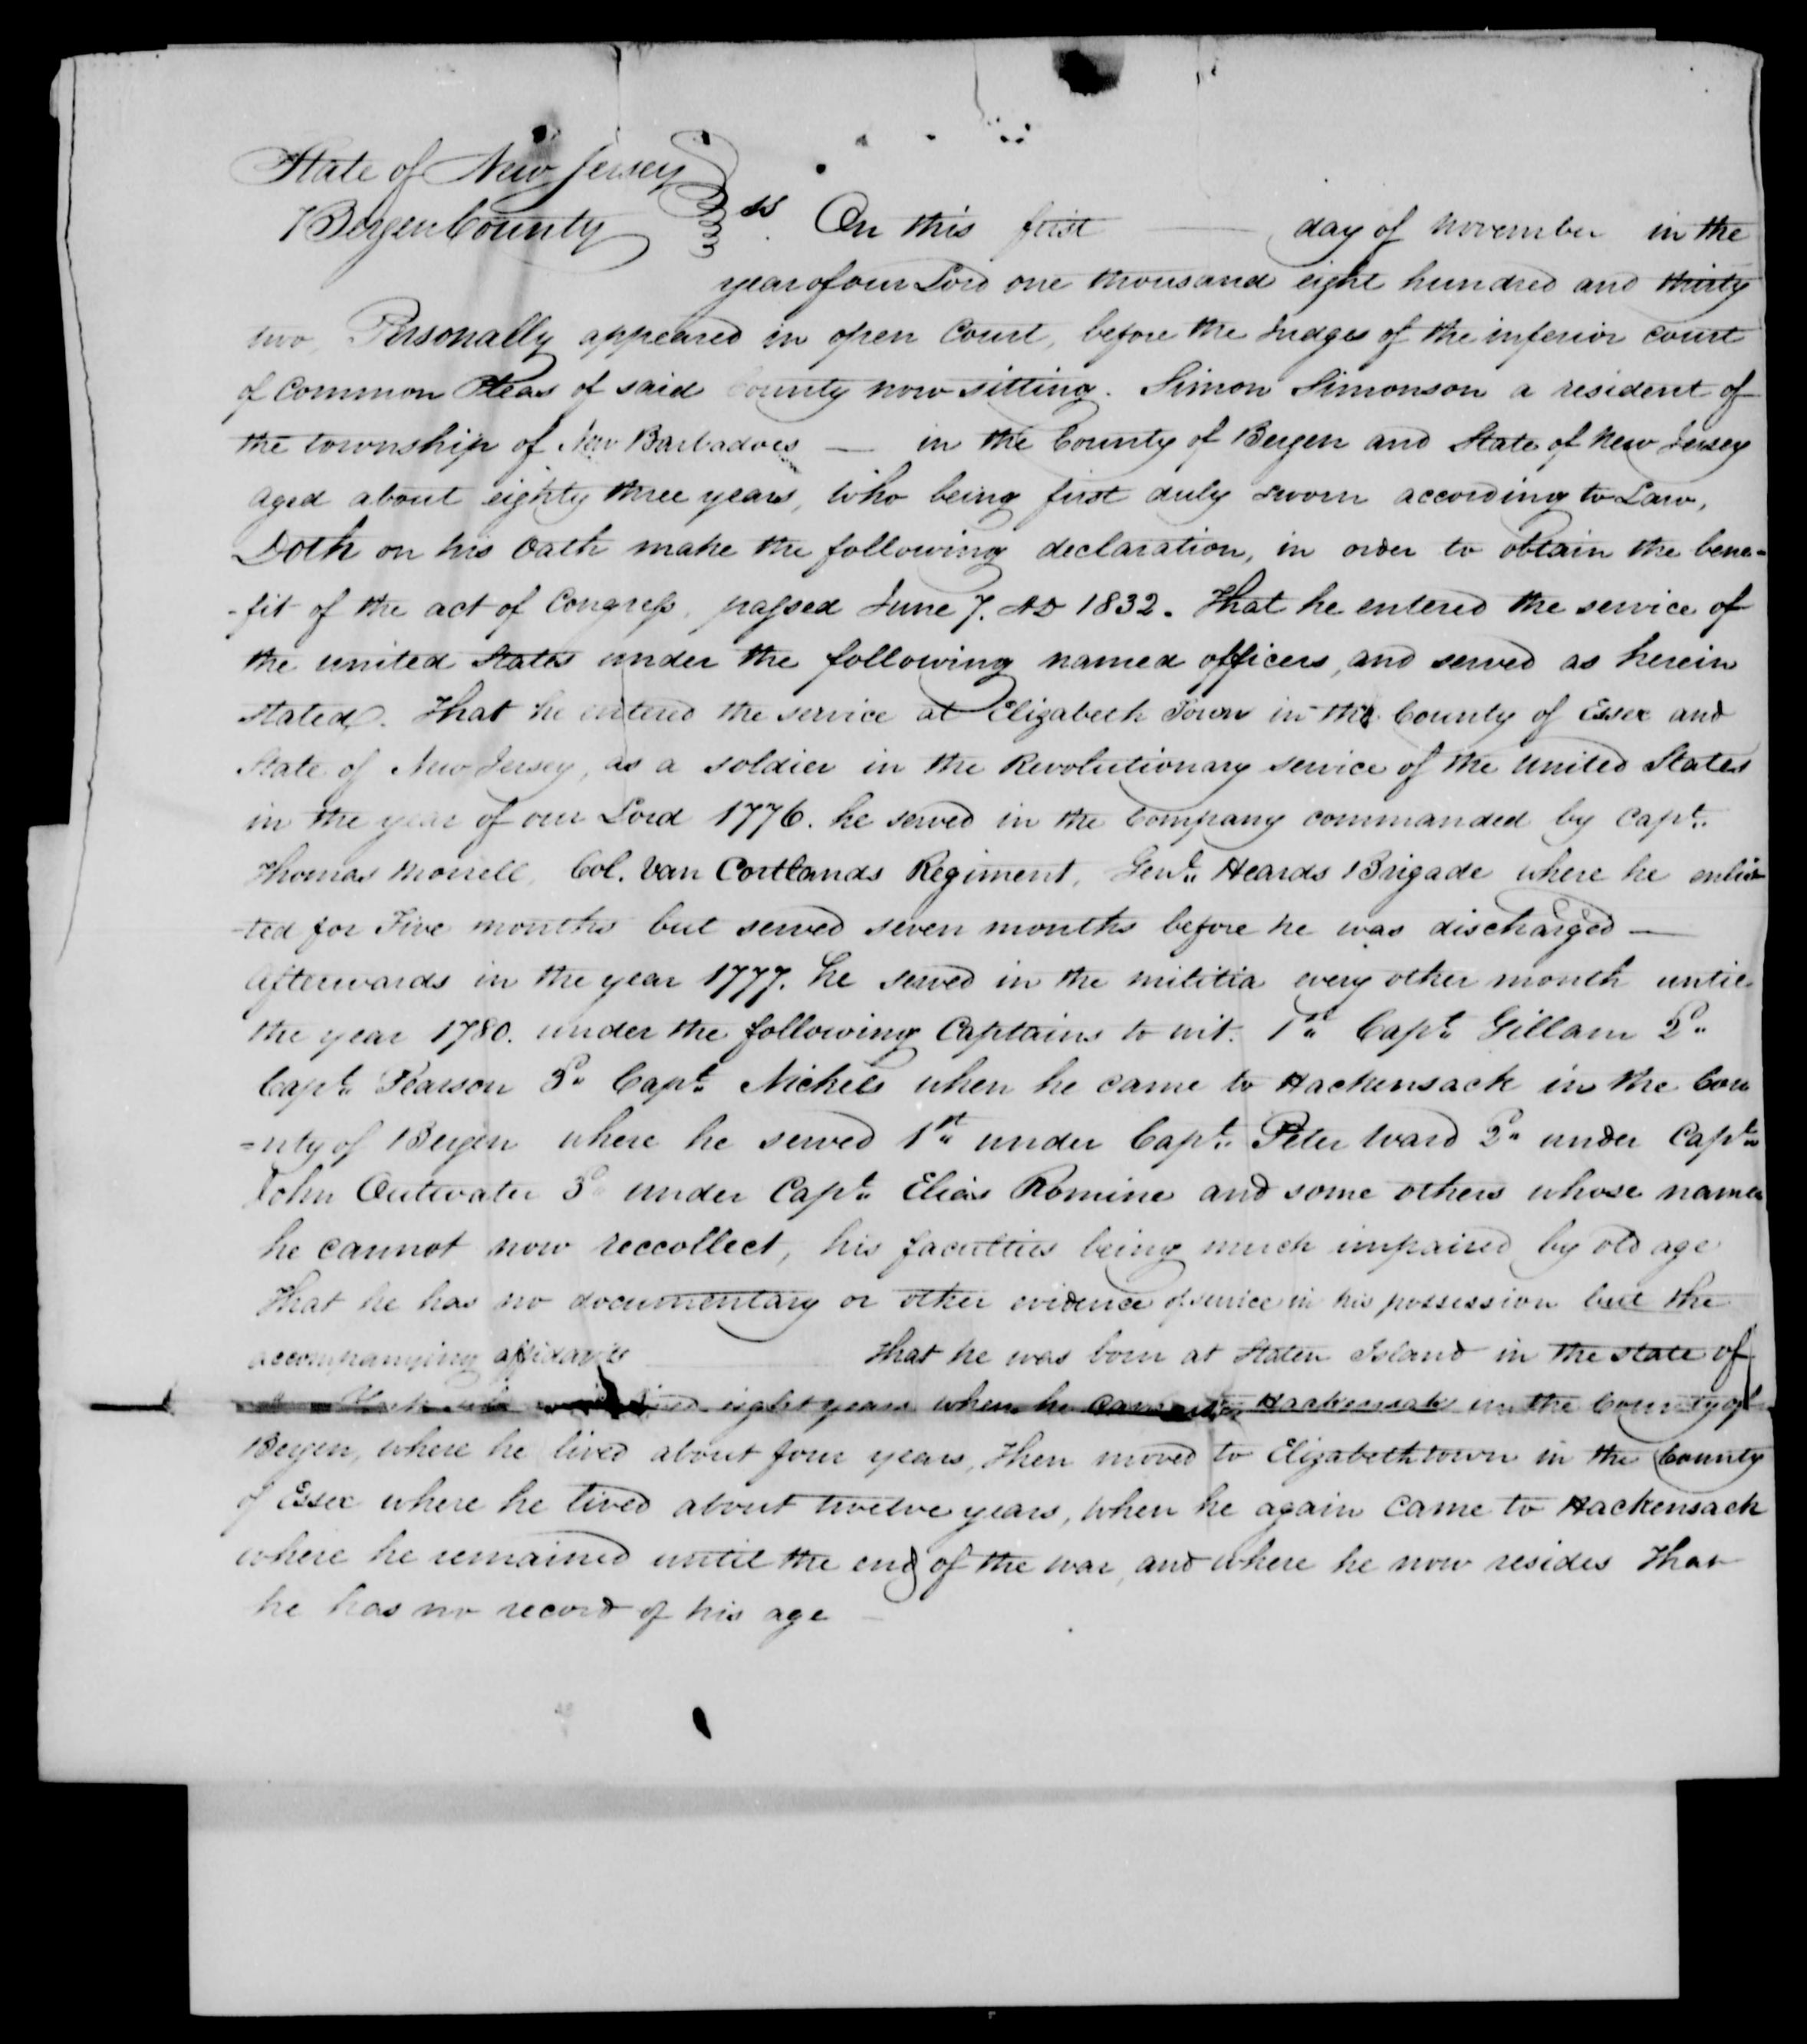State of New Jersey
Bergen County   } SS
On this first day of November in the year of our Lord one thousand eight hundred and thirty
two Personally appeared in open Court, before the Judges of the inferior Court of Common Pleas of said County now sitting. Simon Simonson a resident of the township of New Barbadoes - in the County of Bergen and State of New Jersey aged about eighty three years, who being first duly sworn according to Law,
Doth on his oath make the following declaration, in order to obtain the benefit of the act of Congress, passed June 7. AD 1832. That he entered the service of the United States under the following named officers, and served as herein stated. That he entered the service at Elizabeth Town in the County of Essex and
State of New Jersey as a soldier in the Revolutionary service of the United States in the year of our Lord 1776, he served in the Company commanded by Capt Thomas Morrell Col. Van Cortlands Regiment, Genl Heards Brigade where he enlisted for five months but served seven months before he was discharged - afterwards in the year 1777 he served in the militia every other month until the year 1780 under the following Captains to wit, 1st Capt Gillam 2nd Capt Pearson 3d Capt Nichels when he came to Hackensack in the County of Bergen where he served 1st under Capt Peter Ward 2d under Capt John Outwater 3d under Capt Elias Romine and some others whose names he cannot now recollect, his faculties being much impaired by old age. That he has no documentary or other evidence of service in his possession but the accompanying affidavit-  that he was born at Staten Island in the State of New York where he resided eight years when he  removed to Hackensack in the County of Bergen, where he lived about four years, then moved to Elizabethtown in the County of Essex where he lived about twelve years, when he again came to Hackensack where he remained until the end of the war, and where he now resides That he has no record of his age-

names: Simon Simonson; [BLANK] Gillam; [BLANK] Pearson; [BLANK] Nickels; Elias Romine; Thomas Morrell; Peter Ward; John Outwater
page: 16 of 30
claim: survivor's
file: S. 1104, for Simon Simonson, New Jersey